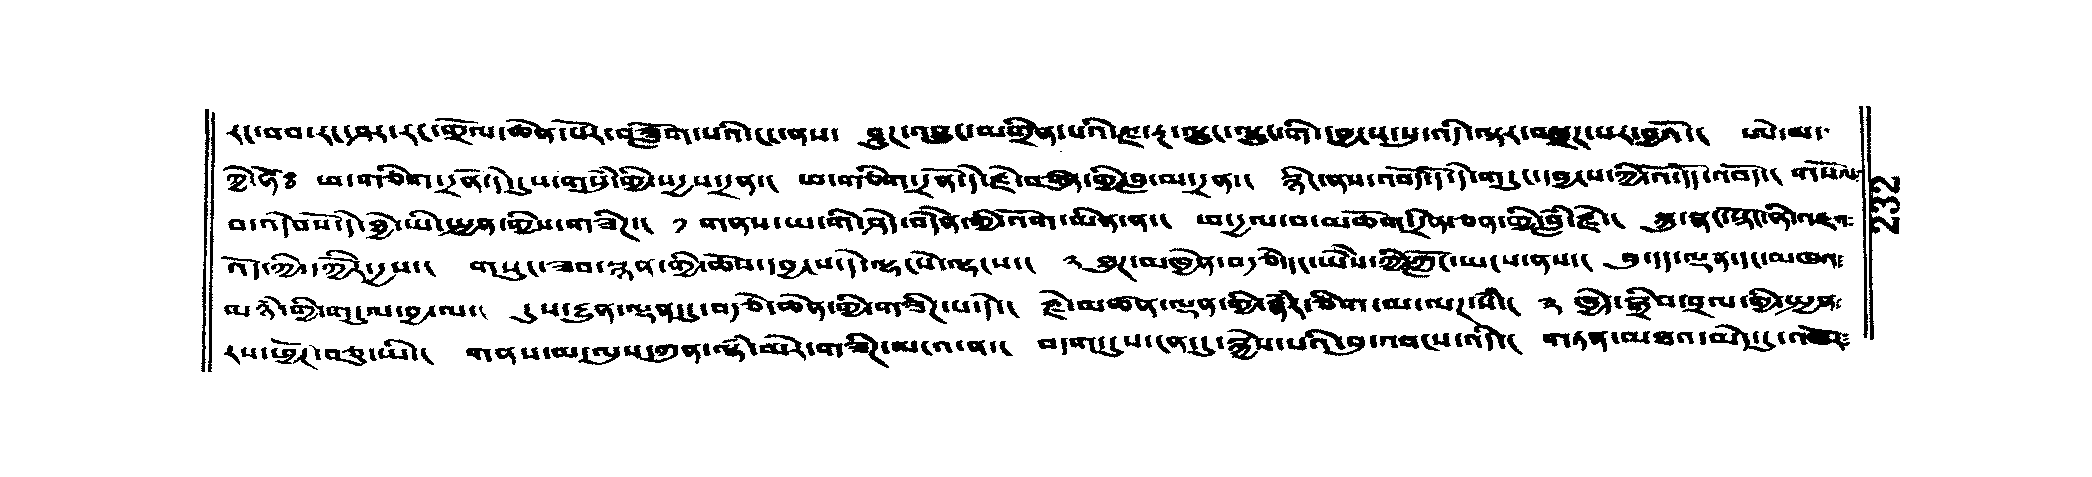རང་བབ་རང་ཤར་རང་གྲོལ་ཆེན་པོར་ལ་བཟློ་པའི་ངང་ནས། ཤུགས་འབྱུང་མགྲིན་པའི་རྫ་རྔ་ལྷུང་ལྷུང་གི་དབྱངས་སུ་འདི་ལྟར་བསྒྲགས་པར་བྱའོ། ཨེ་མ་
ཀྱེ་ཧོཿ ཕ་གཅིག་དྲན་ནོ་དེ་དུས་གསུམ་གྱི་སངས་རྒྱས་དྲན། །ཕ་གཅིག་དྲན་ནོ་དེ་རྗེ་བཙུན་གྱི་བླ་མ་དྲན། །སྙིང་ནས་འབོད་དོ་དེ་གདུང་དབྱངས་ཀྱི་འོ་དོད་འབོད། །གསོལ་
བ་འདེབས་སོ་དེ་ཐུགས་རྗེ་ཡི་སྤྱན་གྱིས་གཟིགས། ༡ །གནས་ཡ་གི་ཤོད་བདེ་ཆེན་གྱི་འོག་མིན་ན། །ཕ་རྒྱལ་བ་མཆོག་དྲིན་ཅན་གྱི་བླ་མ་རྗེ། །སྐུ་སྣང་སྟོང་ནི་འཇའ་
འོད་ཀྱི་དཀྱིལ་འཁོར་རྒྱས། །གསུང་ཟབ་སྙན་གྱི་ཆོས་དབྱངས་དེ་ལྷ་སེ་ལྷངས། ༢ །ཐུགས་མཁྱེན་བརྩེ་དང་ཡེ་ཤེས་ཀྱི་ཀློང་ཡངས་ནས། །བུ་དད་ལྡན་དང་མཁའ་
མཉམ་གྱི་གདུལ་བྱ་ལ། །དུས་རྒྱུན་ལྡན་དུ་བརྩེ་ཆེན་གྱི་གཟིགས་པ་དེ། །རྗེ་མཚན་ལྡན་གྱི་རྣམ་ཐར་གཅིག་མ་ལགས་སམ།༣ །ཁྱེད་སྒྲིབ་བྲལ་གྱི་སྤྱན་
རས་ཕྱོགས་བཅུ་ཡི། །གནས་མ་ལུས་ཀུན་ལྷམ་མེར་གཟིགས་མངའ་ན། །བདག་དུས་ངན་དུ་སྐྱེས་པའི་བུ་འབངས་འདི། །གཏན་མཐའ་མེད་དུ་འཁོར་